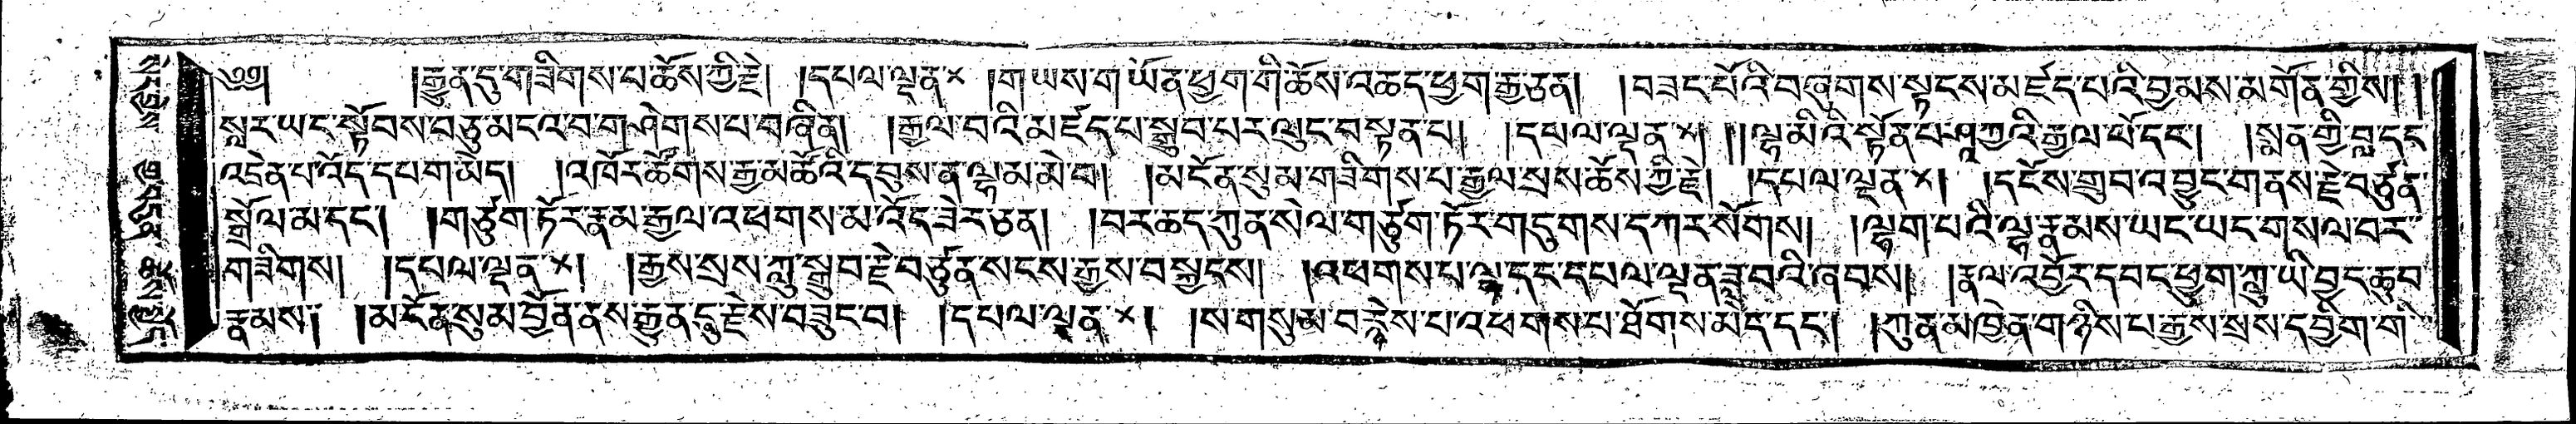༄༅། །རྒྱུན་དུ་གཟིགས་པ་ཆོས་ཀྱི་རྗེ། །དཔལ་ལྡན་{྾}། གཡས་གཡོན་ཕྱག་གི་ཆོས་འཆད་ཕྱག་རྒྱ་ཅན། །བཟང་པོའི་བཞུགས་སྟངས་མཛད་པའི་བྱམས་མགོན་གྱིས། །
སླར་ཡང་སྟོབས་བཅུ་མངའ་བ་གཤེགས་པ་བཞིན། །རྒྱལ་བའི་མཛད་པ་སྒྲུབ་པར་ལུང་བསྟན་པ། །དཔལ་ལྡན་{྾}། །།ལྷ་མིའི་སྟོན་པ་ཤཱཀྱའི་རྒྱལ་པོ་དང་། །སྨན་གྱི་བླ་དང་
འདྲེན་པ་འོད་དཔག་མེད། །འཁོར་ཚོགས་རྒྱ་མཚོའི་དབུས་ན་ལྷམ་མེ་བ། །མངོན་སུམ་གཟིགས་པ་རྒྱལ་སྲས་ཆོས་ཀྱི་རྗེ། །དཔལ་ལྡན་{྾}། །དངོས་གྲུབ་འབྱུང་གནས་རྗེ་བཙུན་
སྒྲོལ་མ་དང་། །གཙུག་ཏོར་རྣམ་རྒྱལ་འཕགས་མ་འོད་ཟེར་ཅན། །བར་ཆད་ཀུན་སེལ་གཙུག་ཏོར་གདུགས་དཀར་སོགས། །ལྷག་པའི་ལྷ་རྣམས་ཡང་ཡང་གསལ་བར་
གཟིགས། །དཔལ་ལྡན་{྾}། །རྒྱས་སྲས་ཀླུ་སྒྲུབ་རྗེ་བཙུན་སངས་རྒྱས་བསྐྱངས། །འཕགས་པ་ལྷ་དང་དཔལ་ལྡན་ཟླ་བའི་ཞབས། །རྣལ་འབྱོར་དབང་ཕྱུག་ཀླུ་ཡི་བྱང་ཆུབ་
རྣམས། །མངོན་སུམ་བྱོན་ནས་རྒྱུན་དུ་རྗེས་བཟུང་བ། །དཔལ་ལྡན་{྾}། །ས་གསུམ་བརྙེས་པ་འཕགས་པ་ཐོགས་མེད་དང་། །ཀུན་མཁྱེན་གཉིས་པ་རྒྱས་སྲས་དབྱིག་གི་